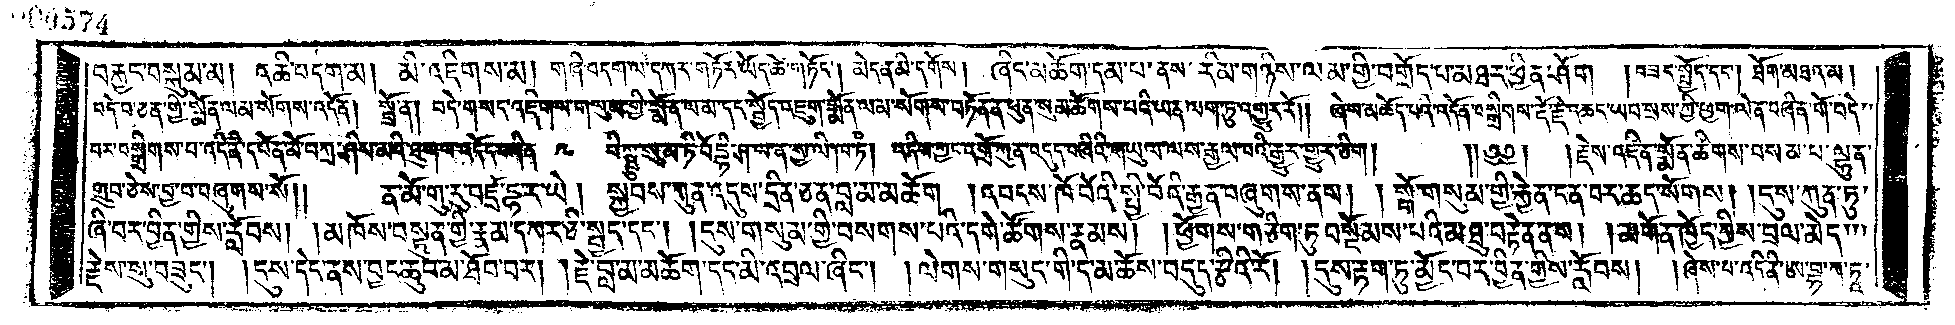བརྐྱང་བསྐུམ་མ། འཆི་བདག་མ། མི་འཇིགས་མ། གཞི་བདག་ལ་དཀར་གཏོར་ཡོད་ཚེ་གཏོང་། མེད་ན་མི་དགོས།  ཞིང་མཆོག་དམ་པ་ནས་རིམ་གཉིས་ལམ་གྱི་བགྲོད་པ་མཐར་ཕྱིན་ཤོག །བཟང་སྤྱོད་དང་། ཐོག་མཐའ་མ།
བདེ་བ་ཅན་གྱི་སྨོན་ལམ་སོགས་འདོན། སྤྲོ་ན། བདེ་གསང་འཇིགས་གསུམ་གྱི་སྨོན་ལམ་དང་སྤྱོད་འཇུག་སྨོན་ལམ་སོགས་བཏོན་ན་ཕུན་སུམ་ཚོགས་པའི་ཡན་ལག་ཏུ་འགྱུར་རོ། །ཞེས་མཆོད་པའི་འདོན་བསྒྲིགས་རྡོ་རྗེ་འཆང་ཡབ་སྲས་ཀྱི་ཕྱག་ལེན་བཞིན་གོ་བདེ་
བར་བསྒྲིགས་པ་འདི་ནི་དཔོན་མོ་བཀྲ་ཤིས་མའི་ཐུགས་འདོད་བཞིན་༧་བིཀཊཿཨུ་སུ་མ་ཏི་བོདྷི་ཤ་ས་ན་སྱ་ལི་ཁ་ཏཾ། འདིས་ཀྱང་འགྲོ་ཀུན་བདུད་བཞིའི་གཡུལ་ལས་རྒྱལ་བའི་རྒྱུར་གྱུར་ཅིག ། །། ༄༅། །རྗེས་འཛིན་སྨོན་ཚིགས་བསམ་པ་ལྷུན་
གྲུབ་ཅེས་བྱ་བ་བཞུགས་སོ།། ན་མོ་གུ་རུ་བཛྲ་དྷ་ར་ཡེ། སྐྱབས་ཀུན་འདུས་དྲིན་ཅན་བླ་མ་མཆོག །འབངས་ཁོ་བོའི་སྤྱི་བོའི་རྒྱན་བཞུགས་ནས། །སྒོ་གསུམ་གྱི་རྐྱེན་ངན་བར་ཆད་སོགས། །དུས་ཀུན་ཏུ་
ཞི་བར་བྱིན་གྱིས་རློབས། །མཁོས་བསྟུན་གྱི་རྣམ་དཀར་ཅི་སྤྱད་དང་། །དུས་གསུམ་གྱི་བསགས་པའི་དགེ་ཚོགས་རྣམས། །ཕྱོགས་གཅིག་ཏུ་བསྡོམས་པའི་མཐུ་བརྟེན་ནས། །མགོན་ཁྱོད་ཀྱིས་བྲལ་མེད་
རྗེས་སུ་བཟུང་། །དུས་དེང་ནས་བྱང་ཆུབ་མ་ཐོབ་བར། །རྗེ་བླ་མ་མཆོག་དང་མི་འབྲལ་ཞིང་། །ལེགས་གསུང་གི་དམ་ཆོས་བདུད་རྩིའི་རོ། །དུས་རྟག་ཏུ་མྱོང་བར་བྱིན་གྱིས་རློབས། །ཞེས་པ་འདི་ནི་ཨ་བྷ་ཀ་ཏཱ་